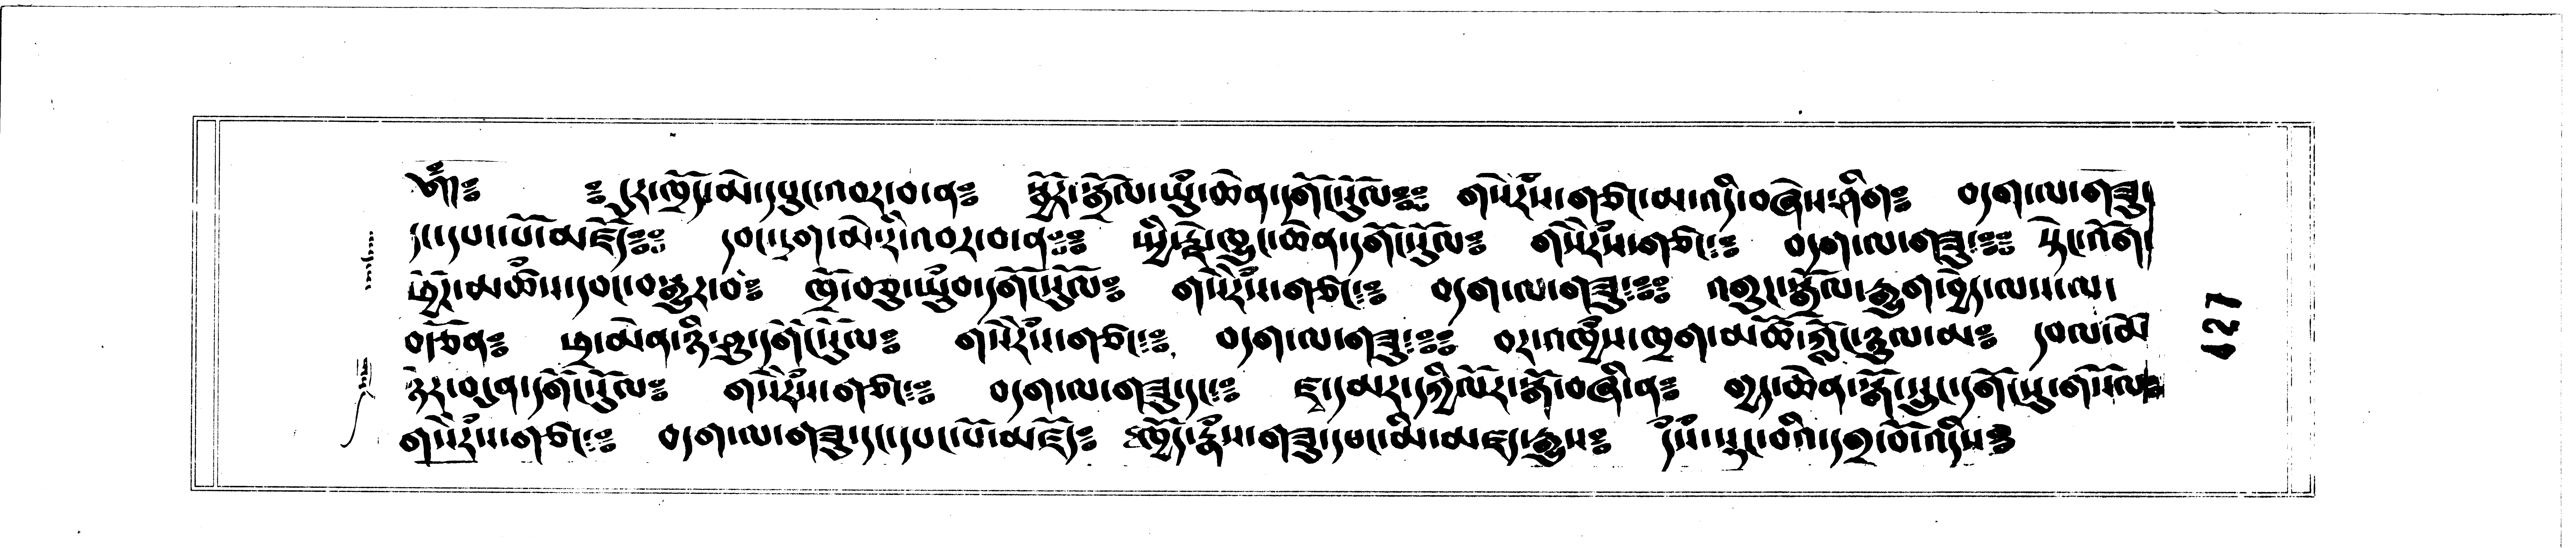༔དུར་ཁྲོད་མེ་དཔུང་འབར་བ་ན༔སྦྱོར་སྒྲོལ་ཡུམ་ཆེན་དགོངས་སུ་གསོལ།གསེར་སྐྱེམས་གཙང་མ་འདི་བཞེས་ཤིག༔བདག་ལ་གཟུ་
དང་དཔང་པོ་མཛོད༔དབང་དྲག་མེ་རི་འབར་བ་ན༔སྤྱི་རྗེ་ཁྱུང་ཆེན་དགོངས་སུ་གསོལ༔གསེར་སྐྱེམས་གཙང་མ་འདི་བཞེས་ཤིག༔བདག་ལ་གཟུ་དང་དཔང་པོ་མཛོད༔སྟེང་འོག་
ཕྱོགས་མཚམས་དབང་བསྒྱུར་བ༔ཁྲོ་བཅུ་ཡབ་ཡུམ་དགོངས་སུ་གསོལ༔གསེར་སྐྱེམས་གཙང་མ་འདི་བཞེས་ཤིག༔བདག་ལ་གཟུ་དང་དཔང་པོ་མཛོད༔འགུགས་སྒྲོལ་རྒྱུག་བྱེད་ལས་ལ་
བརྩོན༔ཕྲ་མེན་ཉི་ཤུ་དགོངས་སུ་གསོལ༔གསེར་སྐྱེམས་གཙང་མ་འདི་བཞེས་ཤིག༔བདག་ལ་གཟུ་དང་དཔང་པོ་མཛོད༔བར་འཁྱམས་ཁྲག་མཚོ་ཀློང་ཉུལ་མ༔དབལ་མོ་
ཉེར་བདུན་དགོངས་སུ་གསོལ༔གསེར་སྐྱེམས་གཙང་མ་འདི་བཞེས་ཤིག༔བདག་ལ་གཟུ་དང་དཔང་པོ་མཛོད༔ཛྭ་དམར་དཀྱིལ་འཁོར་སྒོ་བཞི་ན༔གྱད་ཆེན་སྒོ་སྲུང་དགོངས་སུ་གསོལ༔
གསེར་སྐྱེམས་གཙང་མ་འདི་བཞེས་ཤིག༔བདག་ལ་གཟུ་དང་དཔང་པོ་མཛོད༔ཁྱོད་རྣམས་གཟུ་དཔང་མི་མཛད་རྒྱུས༔དམ་ཉམས་སྡང་བའི་དགྲ་བོ་འདིས༔